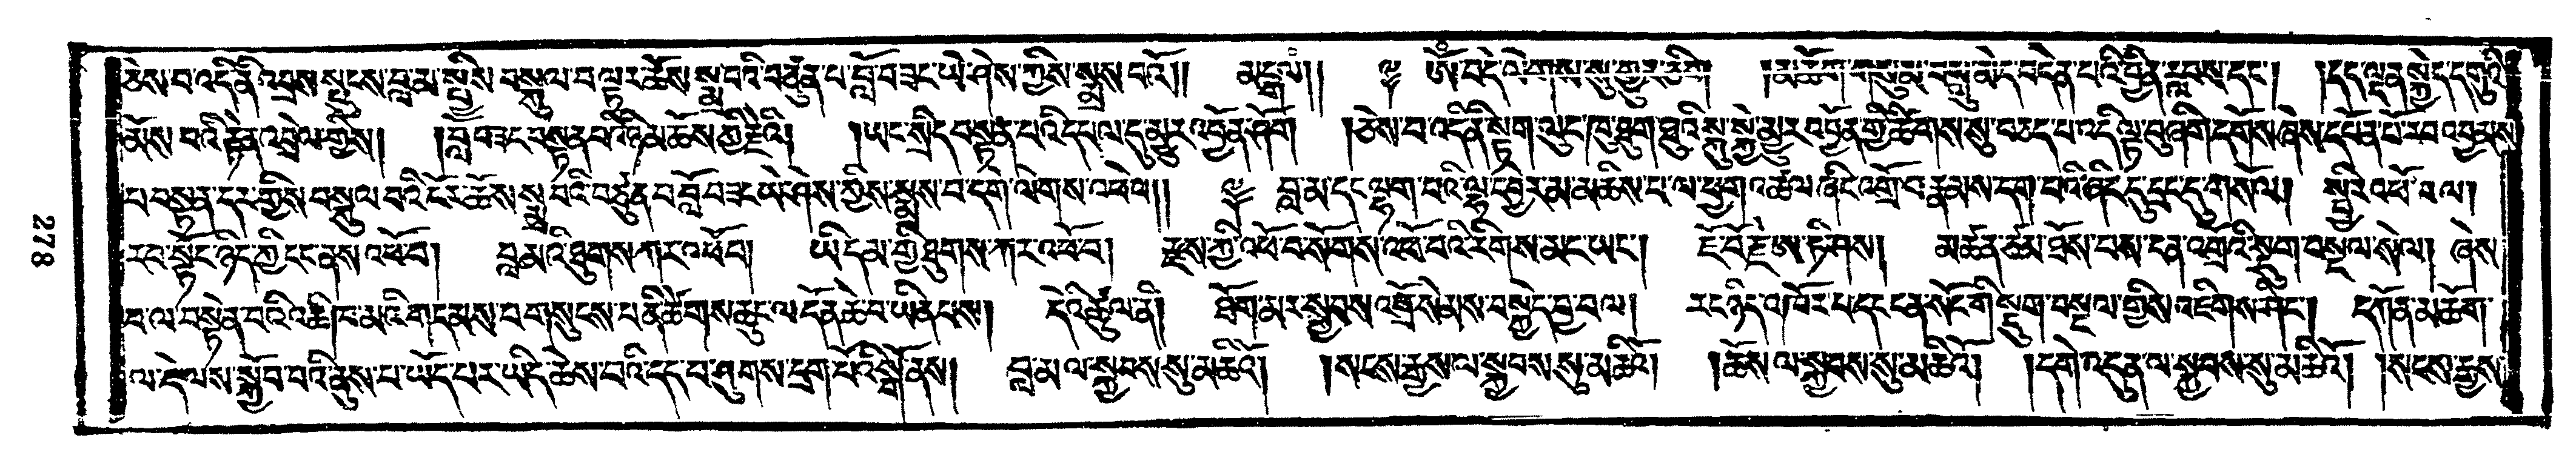ཅེས་པ་འདི་ནི་འབྲས་སྤུངས་བླ་མ་སྤྱིས་བསྐུལ་བ་ལྟར་ཆོས་སྨྲ་བའི་བཙུན་པ་བློ་བཟང་ཡེ་ཤེས་ཀྱིས་སྨྲས་བའོ།། མངྒལཾ།། ༈ ཨོཾ་བདེ་ལེགས་སུ་གྱུར་ཅིག །མཆོག་གསུམ་བསླུ་མེད་བདེན་པའི་བྱིན་རླབས་དང་། །དང་ལྡན་སྐྱེད་དགུའི་
མོས་པའི་རྟེན་འབྲེལ་གྱིས། །བློ་བཟང་བསྟན་པའི་ཉི་མ་ཆོས་ཀྱི་རྗེའི། །ཡང་སྲིད་བསྟན་པའི་དཔལ་དུ་མྱུར་འབྱོན་ཤོག །ཅེས་པ་འདི་ནི་སྟག་ལུང་ཁུ་ཐུག་ཐུའི་སྐུ་སྐྱེ་མྱུར་འབྱོན་གྱི་ཚིགས་སུ་བཅད་པ་འདི་ལྟ་བུ་ཞིག་དགོས་ཞེས་དཔོན་པོ་རབ་འབྱམས་
པ་བསྟན་དར་གྱིས་བསྐུལ་བའི་ངོར་ཆོས་སྨྲ་བའི་བཙུན་པ་བློ་བཟང་ཡེ་ཤེས་ཀྱིས་སྨྲས་པ་དགེ་ལེགས་འཕེལ།། ༈ བླ་མ་དང་ལྷག་པའི་ལྷ་དབྱེར་མ་མཆིས་པ་ལ་ཕྱག་འཚལ་ཞིང་འགྲོ་བ་རྣམས་དག་པའི་ཞིང་དུ་དྲང་དུ་གསོལ། སྤྱིར་འཕོ་བ་ལ།
རབ་སྟོང་ཉིད་ཀྱི་ངང་ནས་འཕོ་བ། བླ་མའི་ཐུགས་ཀར་འཕོ་བ། ཡི་དམ་གྱི་ཐུགས་ཀར་འཕོ་བ། རྫས་ཀྱི་འཕོ་བ་སོགས་འཕོ་བའི་རིགས་མང་ཡང་། ཇོ་བོ་རྗེ་ཨ་ཏི་ཤས། མཚན་ཙམ་ཐོས་པས་ངན་འགྲོའི་སྡུག་བསྔལ་སེལ། ཞེས་
བ་ལ་བསྟེན་པའི་འཆི་ཁ་མའི་གདམས་པ་གསུངས་པ་ནི་ཚོགས་ཆུང་ལ་དོན་ཆེ་བ་ཡིན་པས། དེའི་ཚུལ་ནི། ཐོག་མར་སྐྱབས་འགྲོ་སེམས་བསྐྱེད་བྱ་བ་ལ། རང་ཉིད་འཁོར་པ་དང་ངན་སོང་གི་སྡུག་བསྔལ་གྱིས་འཇིགས་ཤིང་། དཀོན་མཆོག་
ལ་དེ་ལས་སྐྱོབ་བའི་ནུས་པ་ཡོད་པར་ཡིད་ཆེས་བའི་དང་པ་ཤུགས་དྲག་པོའི་སྒོ་ནས། བླ་མ་ལ་སྐྱབས་སུ་མཆིའོ། །སངས་རྒྱས་ལ་སྐྱབས་སུ་མཆིའོ། །ཆོས་ལ་སྐྱབས་སུ་མཆིའོ། །དགེ་འདུན་ལ་སྐྱབས་སུ་མཆིའོ། །སངས་རྒྱས་